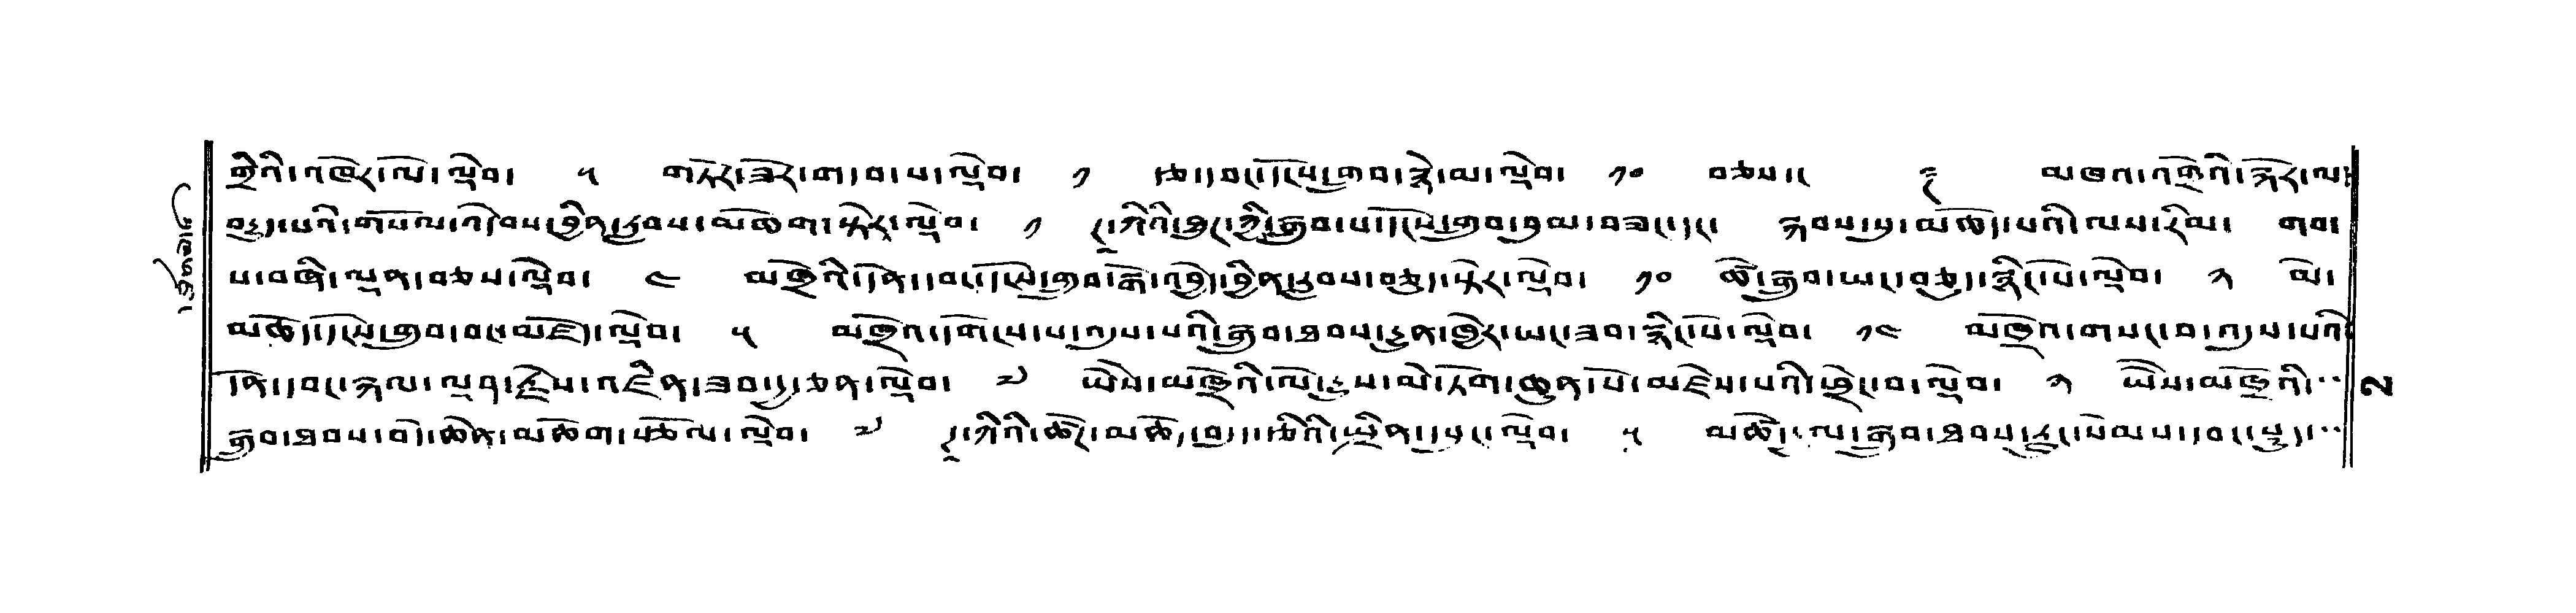གྲིའི་འཁོར་ལོ་ལྡེབ། གཏོར་ཟོར་གདབ་པ་ལྡེབ། རྩ་དབང་དངོས་གྲུབ་སྙེ་མ་ལྡེབ། བཅས། ༈ མཁའ་འགྲོའི་སྐོར་ལ་
བརྒྱུད་པའི་གསོལ་འདེབས་བྱིན་རླབས་མཆོག་སྟེར་ལྡེབ། ཌཱ་ཀིའི་ཐུགས་ཀྱི་སྒྲུབ་པ་དངོས་གྲུབ་བུམ་བཟང་དང་། སྐབས་སུ་མཆོད་པའི་ལས་རིམ། གབ་
པ་བཞི་ལྡན་བཅས་ལྡེབ། མཁའ་འགྲོའི་དོན་དབང་དངོས་གྲུབ་སྒོ་འབྱེད་བྱིན་རླབས་བཅུད་སྟེར་ལྡེབ། ཚེ་སྒྲུབ་ཡང་བཅུད་སྙིང་པོ་ལྡེབ། མེ་
མཆོད་དངོས་གྲུབ་བང་མཛོད་ལྡེབ། མཁའ་འགྲོ་དགོངས་པ་འདུས་པའི་སྒྲུབ་ཐབས་རྒྱུན་ཁྱེར་ཡང་ཟབ་སྙིང་པོ་ལྡེབ། མཁའ་འགྲོ་གསང་བ་འདུས་པའི་
དོན་དབང་སྐལ་ལྡན་རྗེས་འཛིན་ཟབ་རྒྱ་ཅན་ལྡེབ། ཡེ་ཤེས་མཁའ་འགྲོའི་ལོ་རྒྱུས་མེ་ཏོག་ཆུན་པོ་མཛེས་པའི་ཕྲེང་བ་ལྡེབ། ཡེ་ཤེས་མཁའ་འགྲོའི་
སྒྲུབ་ཐབས་བདེ་ཆེན་མཆོག་སྩོལ་ལྡེབ། ཌཱ་ཀིའི་ཚོགས་མཆོད་བདུད་རྩིའི་སྤྲིན་ཕུང་ལྡེབ། མཚོ་རྒྱལ་སྒྲུབ་ཐབས་རླུང་སེམས་དབང་སྡུད་